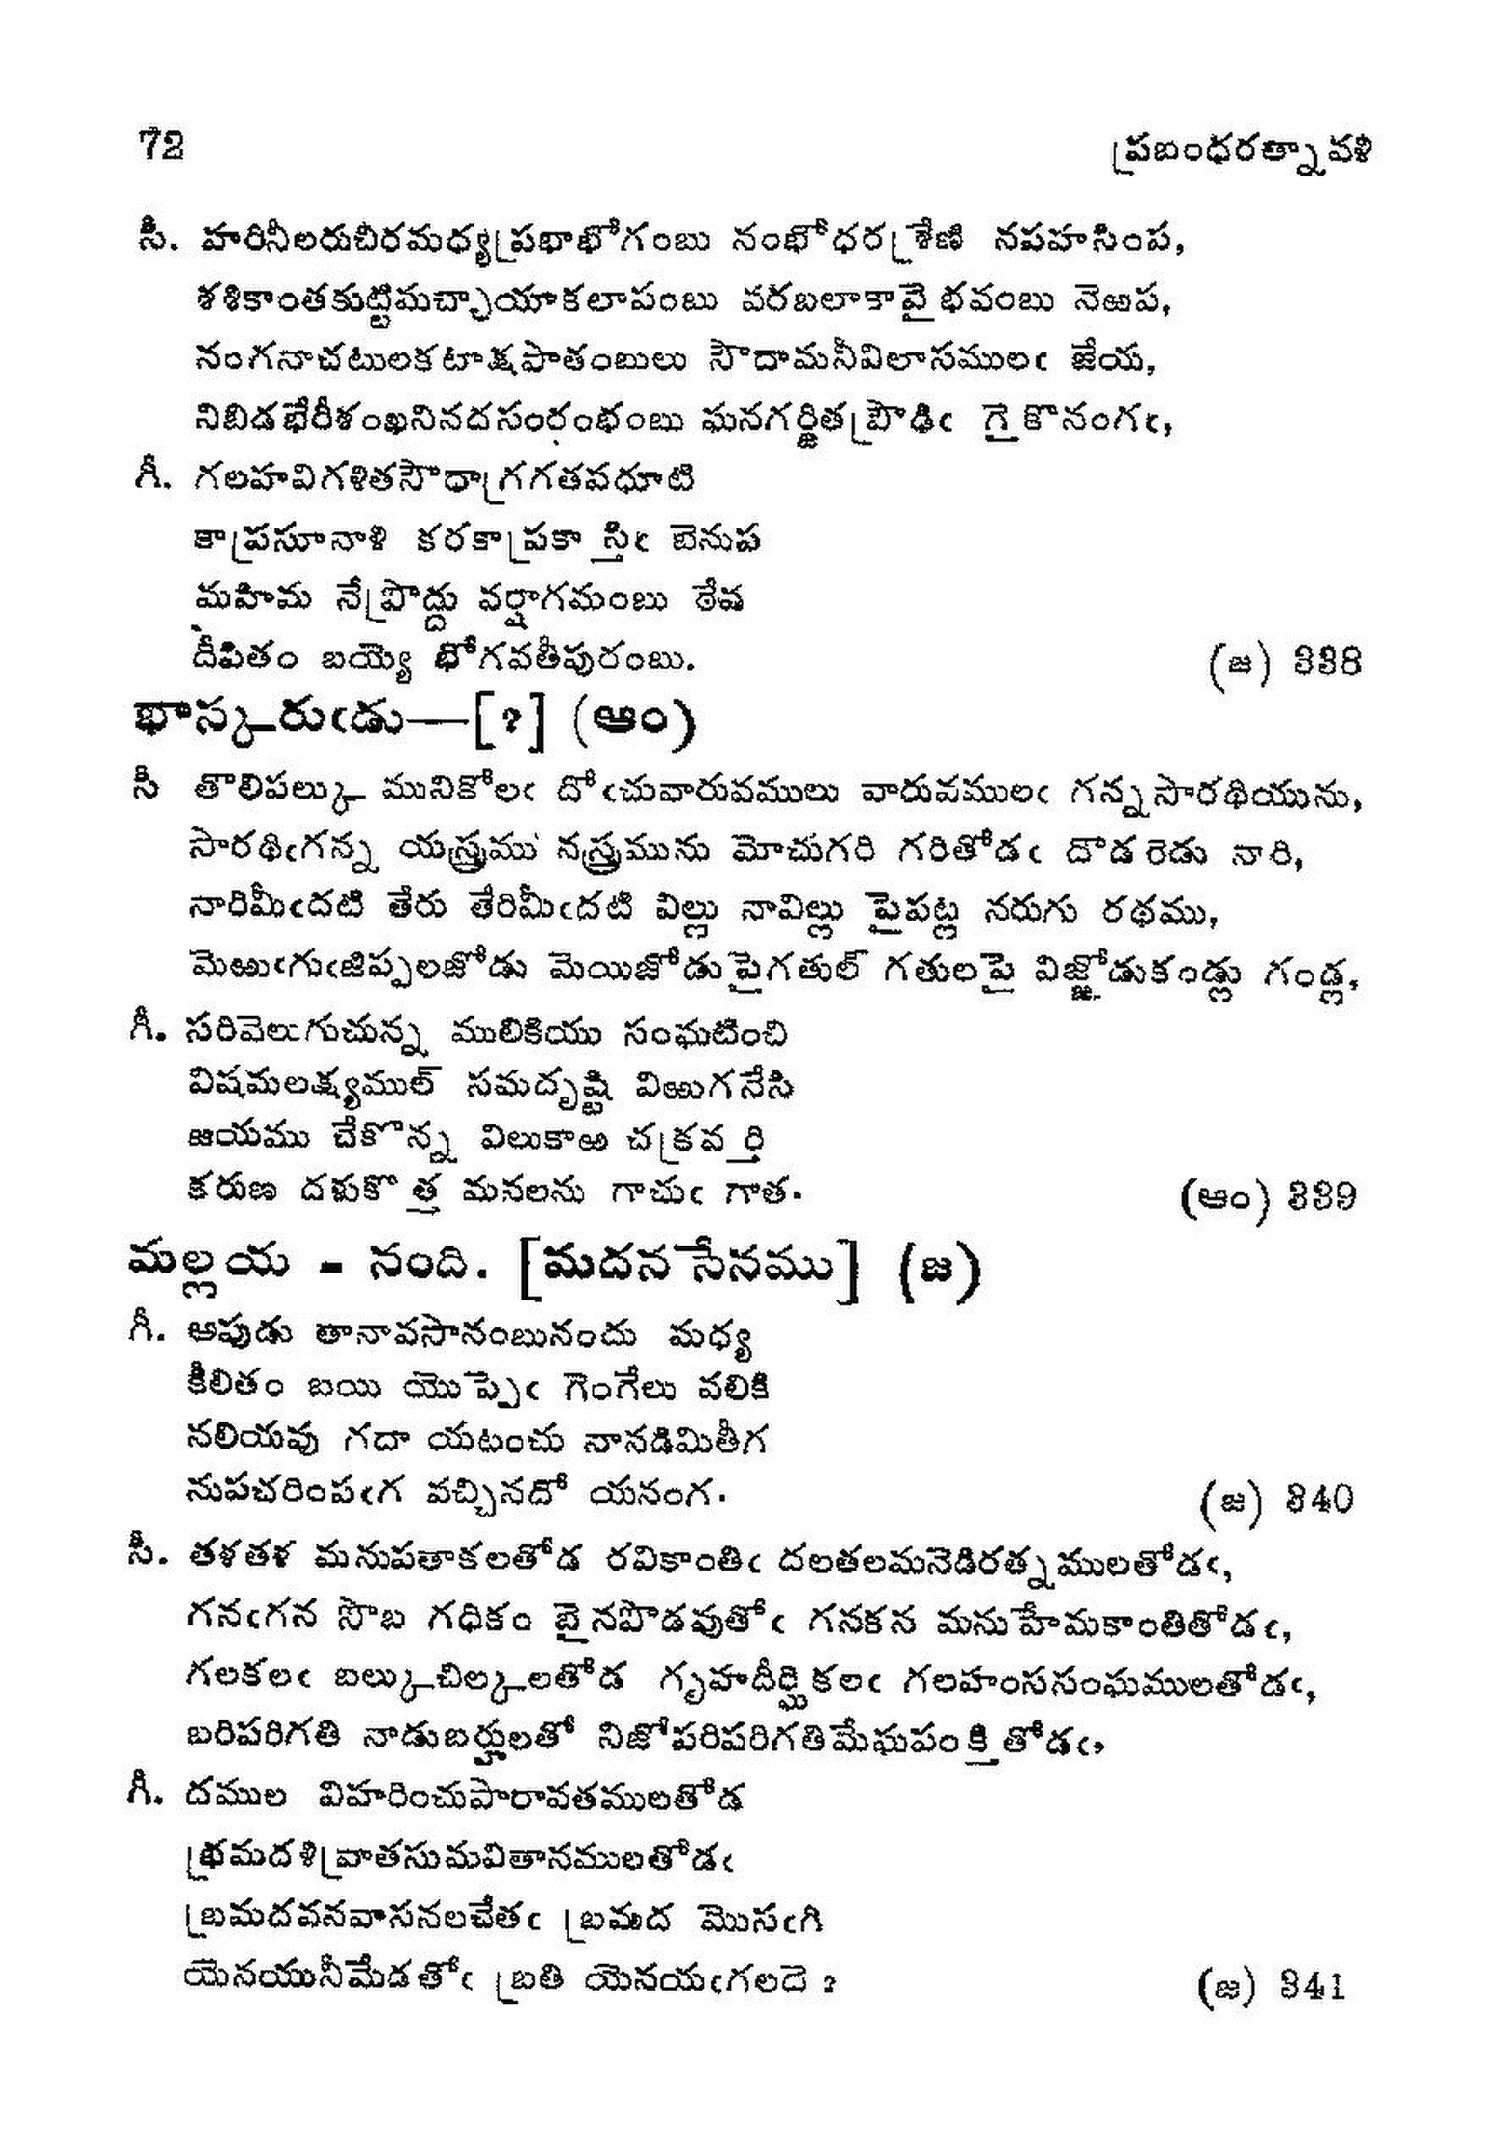సీ. హరినీలరుచిరమధ్యప్రభాభోగంబు నంభోదరశ్రేణి నపహసింప
శశికాంతకుట్టిమచ్ఛాయాకలాపంబు వరబలాకావైభవంబు నెఱప
నంగనాచటులకటాక్షపాతంబులు సౌదామనీవిలాసములు సేయ
నిబిడభేరీశంఖనినదసంరంభంబు ఘనగర్జితప్రౌఢిఁ గైకొనంగఁ
గీ. గలహవిగళితసౌధాగ్రగతవధూటి
కా ప్రసూనాళి కరకాప్రకాస్తిఁ బెనుప
మహిమ నే ప్రొద్దు వర్షాగమంబు ఠేవ
దీపితం బయ్యె భోగవతీపురంబు. (జ) 338

భాస్కరుఁడు [?] (ఆం)
సీ. తొలిపల్కు మునికోలఁ దోఁచువారువములు వారువములఁ గన్న సారథియును,
సారథిఁగన్న యస్త్రము నస్త్రమును మోచు గరి గరితోడఁ దొడరెడు నారి,
నారిమీఁదటి తేరు తేరిమీఁదటి విల్లు నా విల్లుపై పట్ల నరుగు రథము,
మెఱుఁగుఁజిప్పలజోడు మెయిజోడుపై గతుల్ గతులపై విజ్జోడుకండ్లు కండ్లు
గీ. సరివెలుఁగుచున్న ములికియు సంఘటించి
విషమలక్ష్యము ల్సమదృష్టి విఱుగనేసి
జయము చేకొన్న విలుకాఱ చక్రవర్తి
కరుణ దళుకొత్త మనలను గాచుఁగాత. (ఆం) 339

మల్లయ, నంది [మదనసేనము] (జ)
గీ. అపుడు తానావసానంబునందు మధ్య
కీలితంబయి యొప్పెఁ గెంగేలు వలికి
నలియవు గదా యటంచు నా నడిమితీఁగ
నుపచరింపఁగ వచ్చినదో యనంగ. (జ) 340

సీ. తళతళమను పతాకలతోడ రవికాంతిఁ దలతలమనెడి రత్నములతోడఁ
గనఁగన సొబ గధికంబైన పొడవుతో గనకనమను హేమకాంతితోడఁ
గలకలఁ బల్కుచిల్కలతోడ గృహదీర్ఘి కలఁగలహంససంఘములతోడఁ
బరిపరిగతి నాడుబర్హులతో నిజోపరిపరిగతిమేఘపంక్తితోడఁ
తే. దముల విహరించు పారావతములతోడ
భ్రమదళివ్రాత సుమవితానములతోడఁ
బ్రమదవనవాసనలచేతఁ బ్రమద మొసఁగి
యెనయు నీ మేడతోఁ బ్రతి యెనయఁ గలదె? (జ) 341